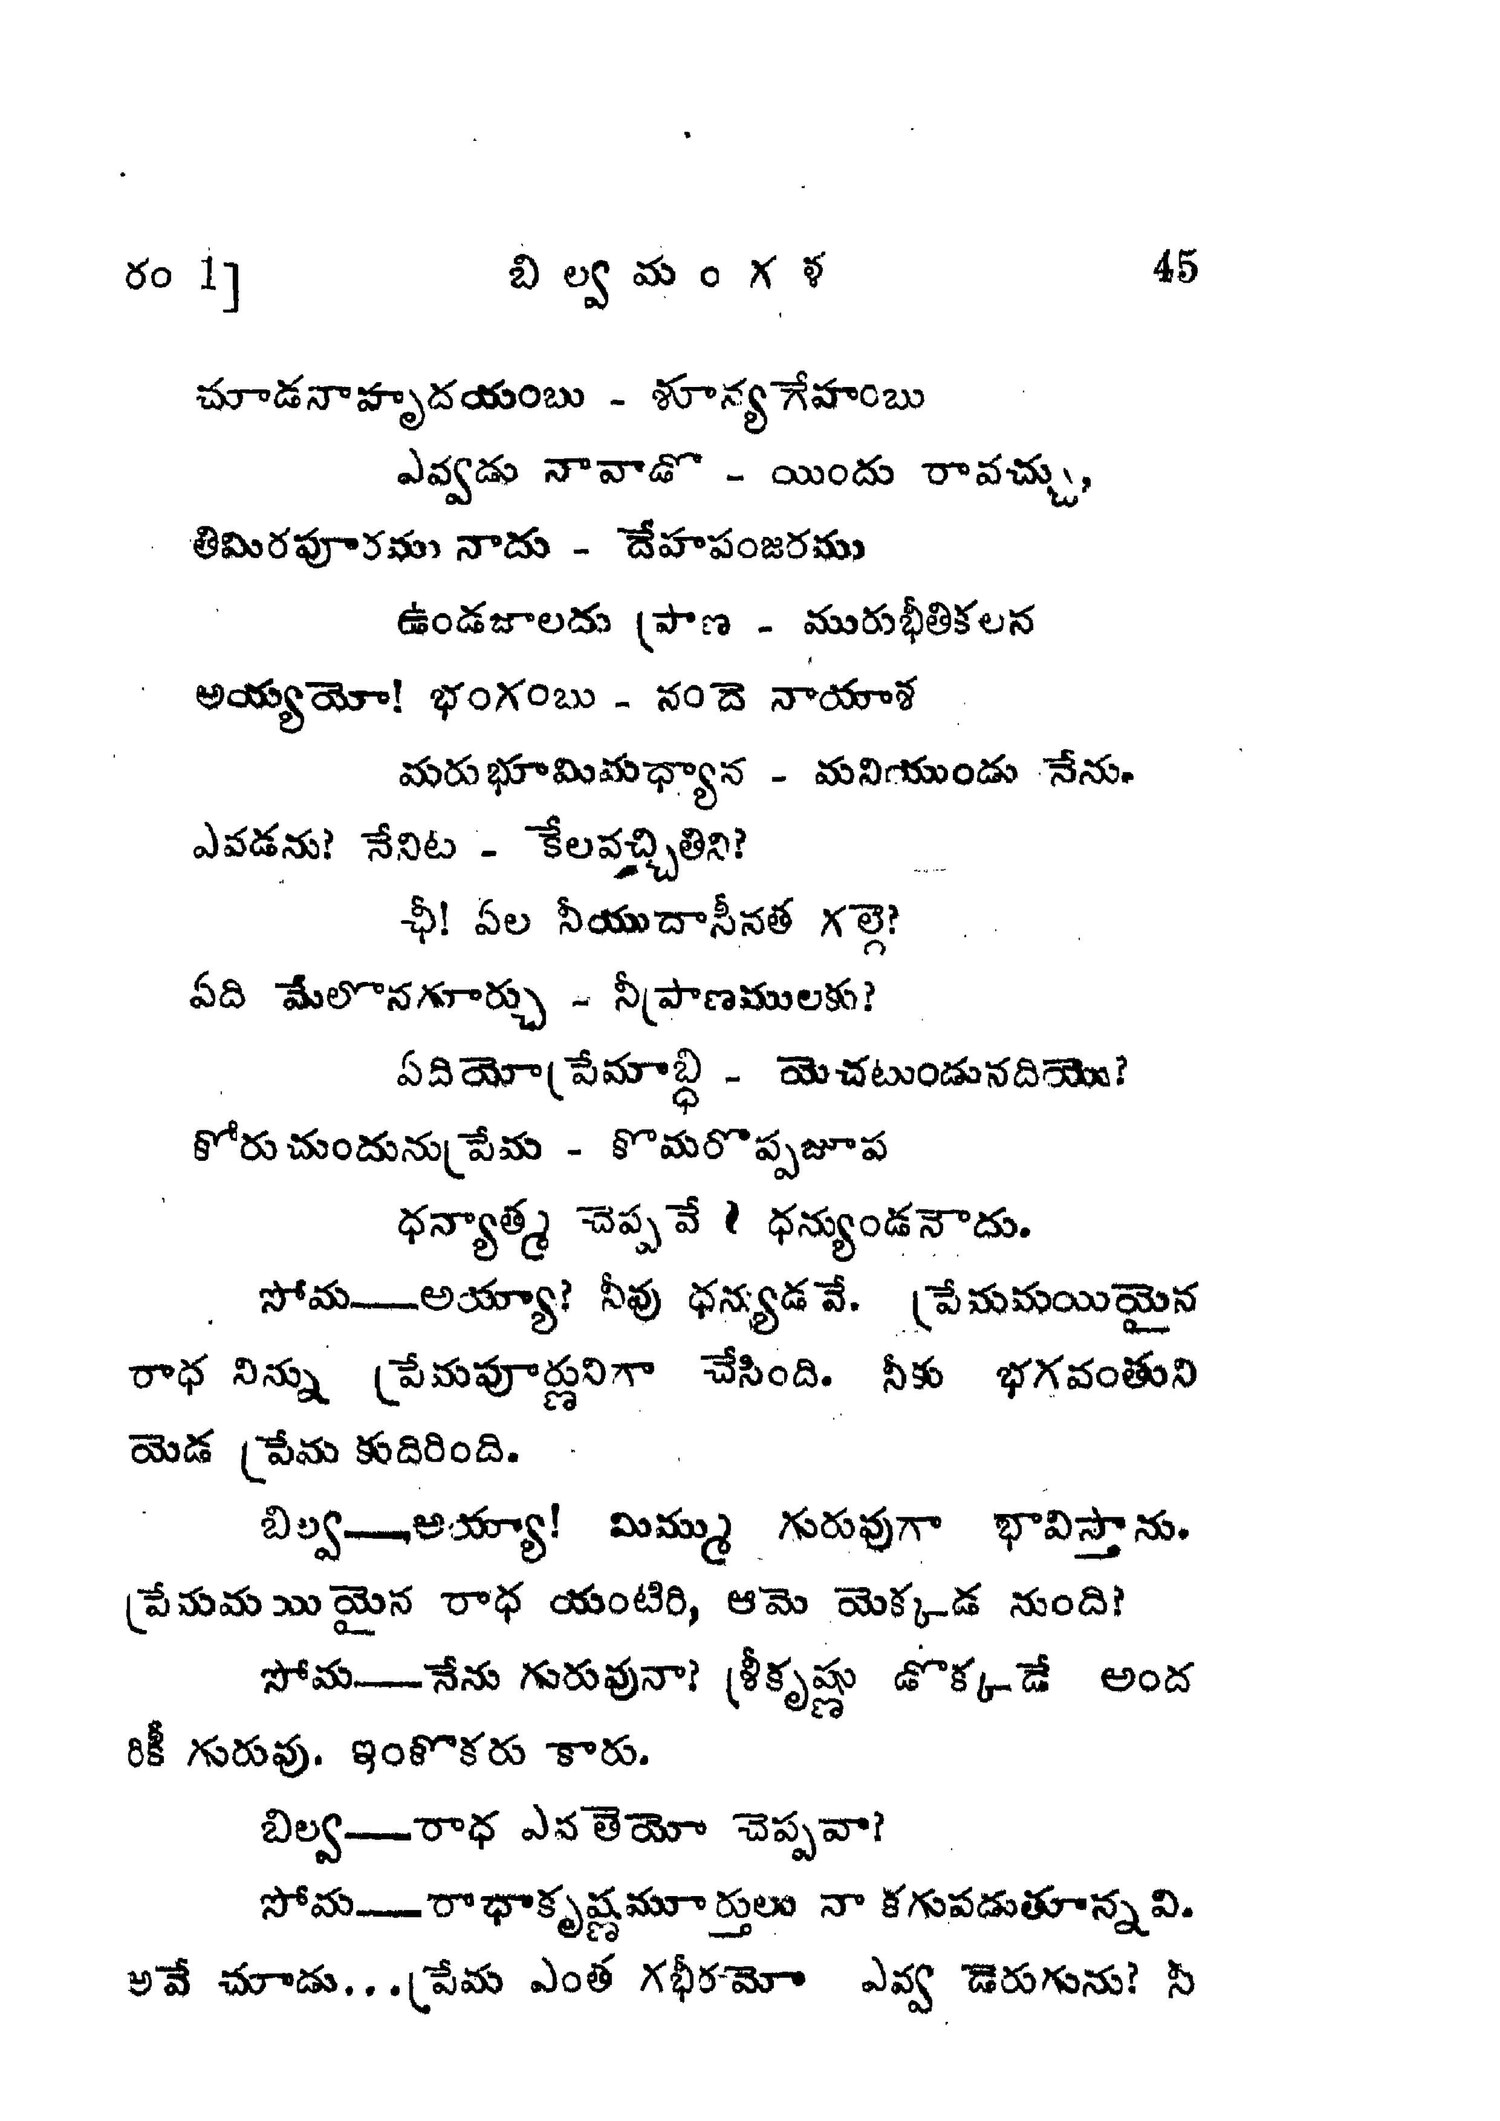చూడనాహృదయంబు - శూన్యగేహంబు
 ఎవ్వడు నావాడొ - యిందు రావచ్చు,
 తిమిరపూరము నాదు - దేహపంజరము
 ఉండజాలదు ప్రాణ - మురుభీతికలన
 అయ్యయో! భంగంబు - నందె నాయాశ
 మరుభూమిమధ్యాన - మనియుండు నేను.
 ఎవడను? నేనిట - కేలవచ్చితిని?
 ఛీ! ఏల నీయుదాసీనత గల్గె?
 ఏది మేలొనగూర్చు - నీప్రాణములకు?
 ఏదియోప్రేమాబ్ధి - యెచటుండునదియొ?
 కోరుచుందునుప్రేమ - కొమరొప్పజూప
 ధన్యాత్మ చెప్పవే - ధన్యుండనౌదు.

సోమ - అయ్యా? నీవు ధన్యుడవే. ప్రేమమయియైన రాధ నిన్ను ప్రేమపూర్ణునిగా చేసింది. నీకు భగవంతుని యెడ ప్రేమ కుదిరింది.

బిల్వ - అయ్యా! మిమ్ము గురువుగా భావిస్తాను. ప్రేమమయియైన రాధ యంటిరి, ఆమె యెక్కడ నుంది?

సోమ - నేను గురువునా? శ్రీకృష్ణు డొక్కడే అందరికీ గురువు. ఇంకొకరు కారు.

బిల్వ - రాధ ఎవతెయో చెప్పవా?

సోమ - రాధాకృష్ణమూర్తులు నా కగుపడుతూన్నవి. అవే చూడు...ప్రేమ ఎంత గబీరమో ఎవ్వ డెరుగును? నీ